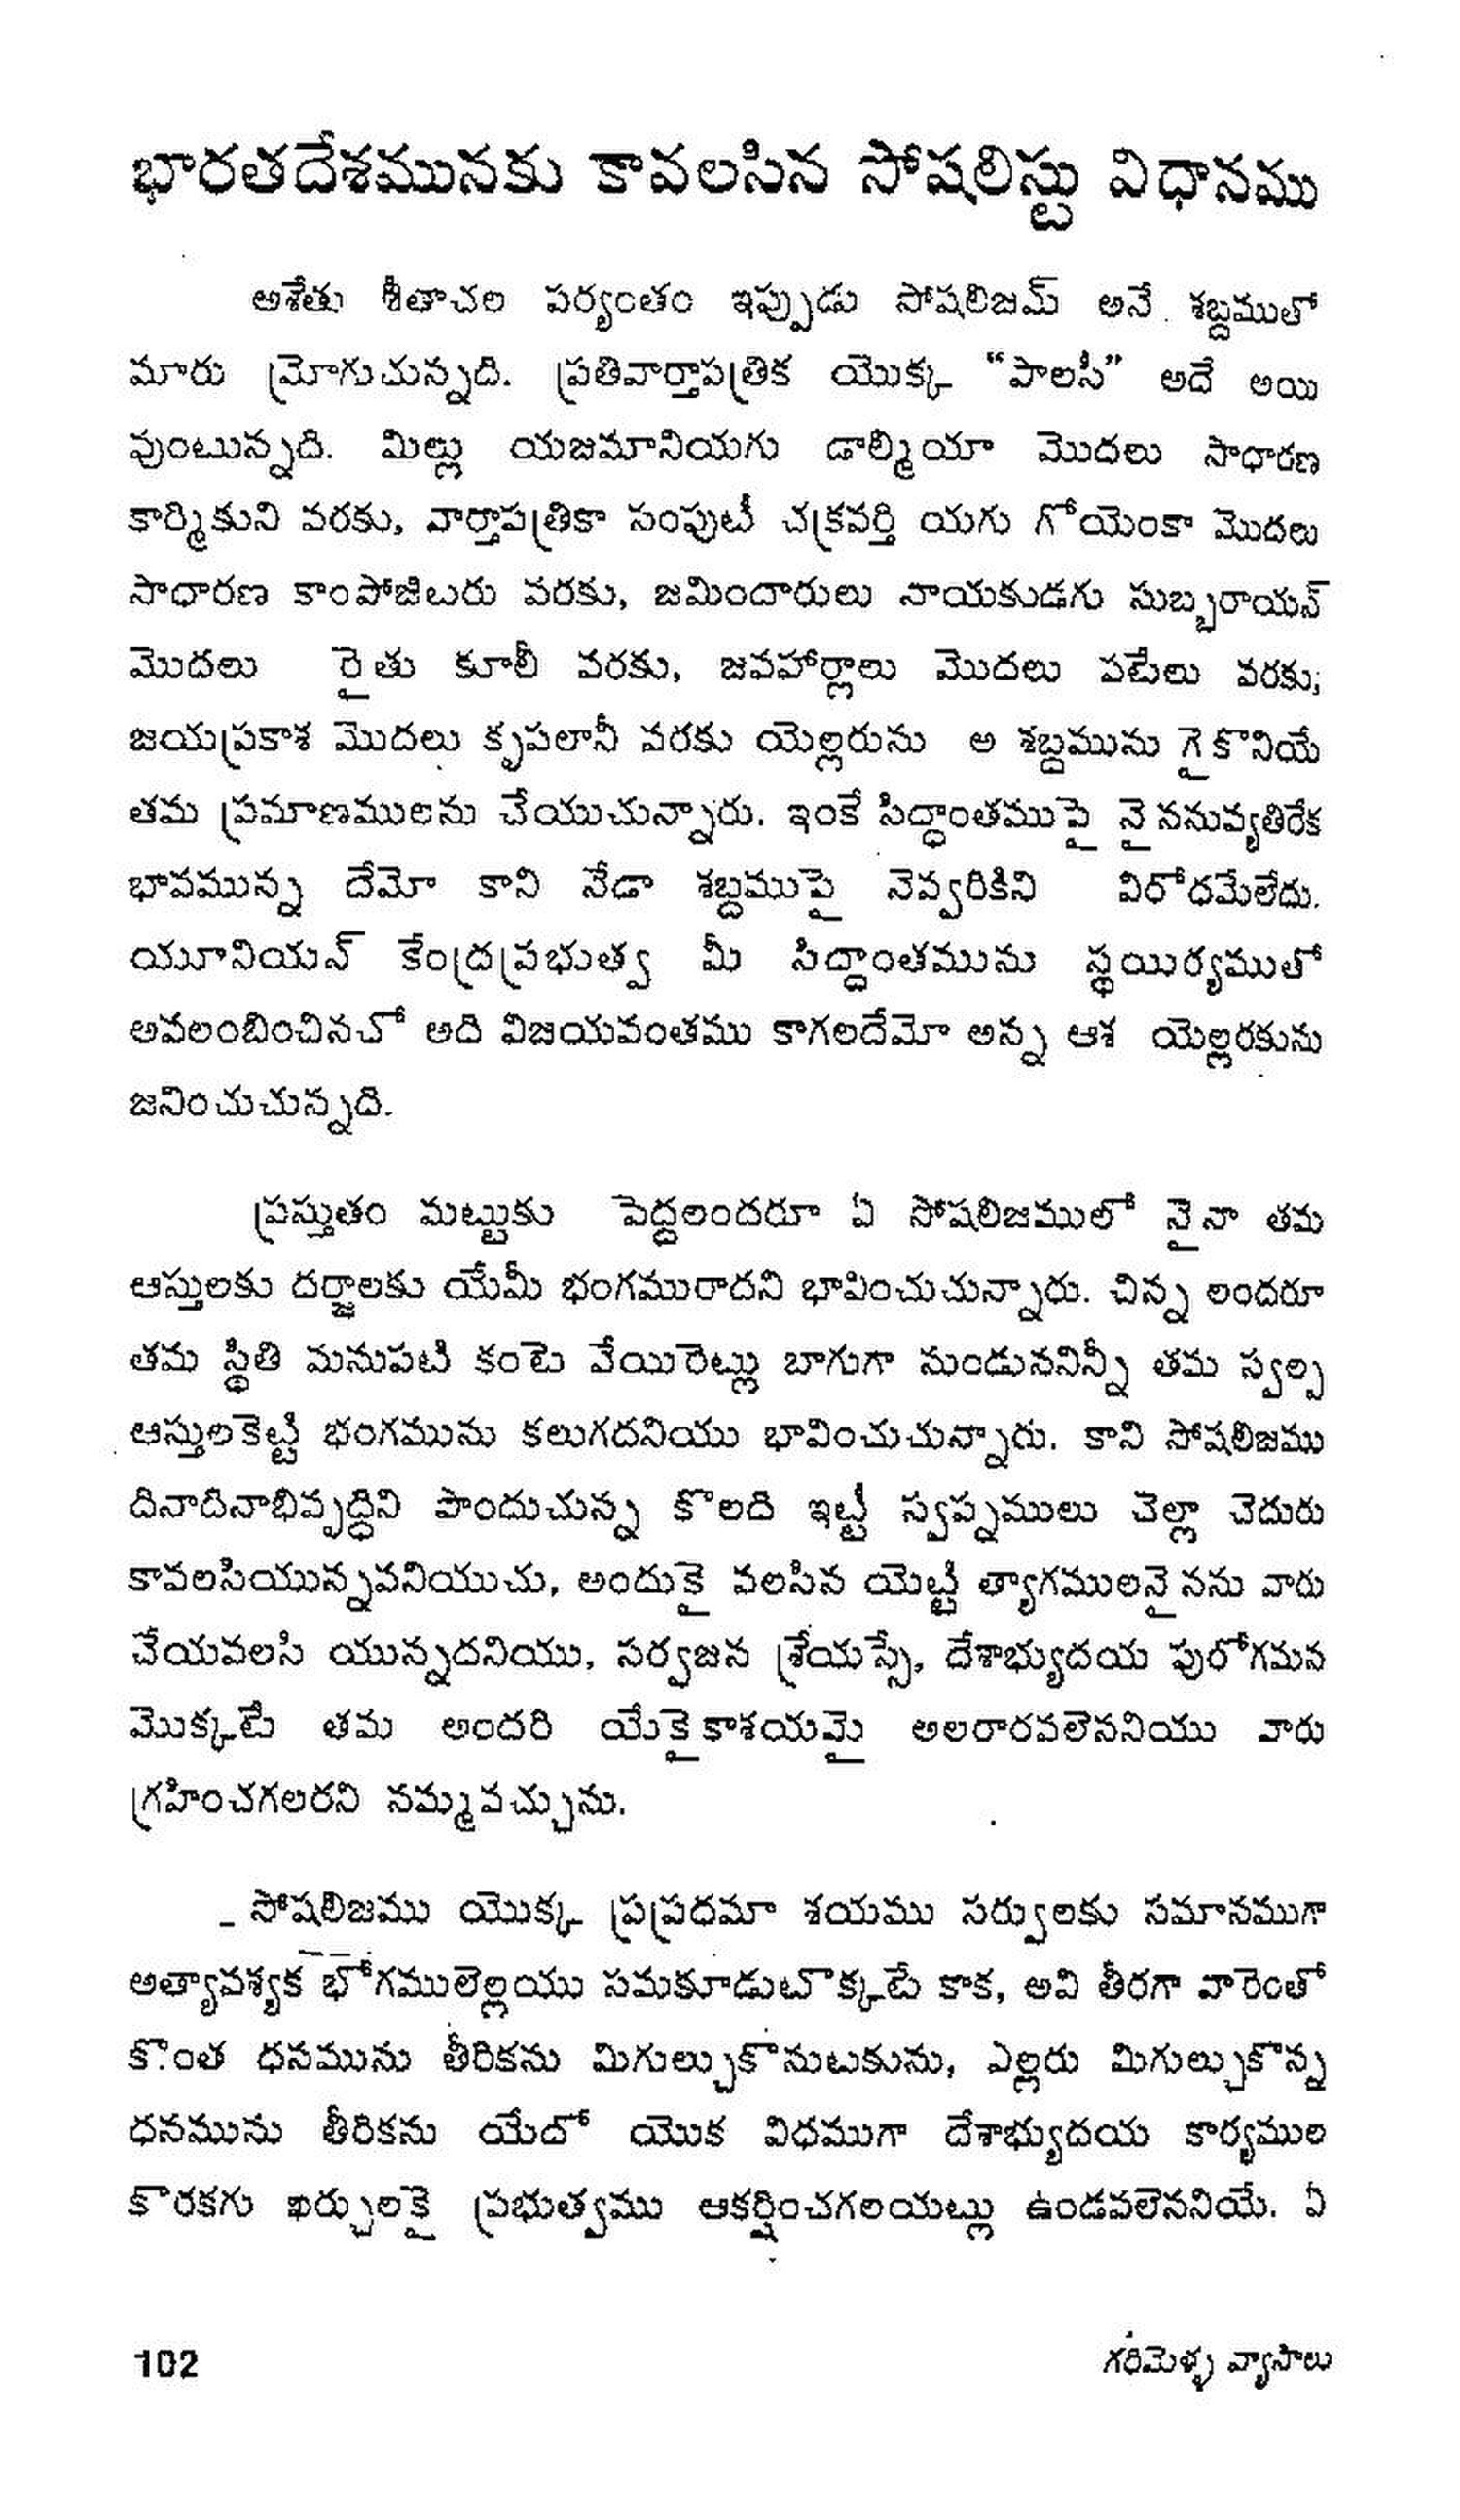భారతదేశమునకు కావలసిన సోషలిస్టు విధానము
 
ఆశేతు శీతాచల పర్యంతం ఇప్పుడు సోషలిజమ్ అనే శబ్దముతో మారు మ్రోగుచున్నది. ప్రతివార్తాపత్రిక యొక్క "పాలసీ" అదే అయి వుంటున్నది. మిల్లు యజమానియగు డాల్మియా మొదలు సాధారణ కార్మికుని వరకు, వార్తాపత్రికా సంపుటి చక్రవర్తి యగు గోయెంకా మొదలు సాధారణ కాంపోజిటరు వరకు, జమిందారులు నాయకుడగు సుబ్బరాయన్ మొదలు రైతు కూలీ వరకు, జవహార్లాలు మొదలు పటేలు వరకు, జయప్రకాశ మొదలు కృపలానీ వరకు యెల్లరును ఆ శబ్దమును గైకొనియే తమ ప్రమాణములను చేయుచున్నారు. ఇంకే సిద్ధాంతముపై నైననువ్యతిరేక భావమున్న దేమో కాని నేడా శబ్దముపై నెవ్వరికిని విరోధమేలేదు. యూనియన్ కేంద్రప్రభుత్వ మీ సిద్దాంతమును స్థియిర్యముతో అవలంబించినచో అది విజయవంతము కాగలదేమో అన్న ఆశ యెల్లరకును జనించుచున్నది.

ప్రస్తుతం మట్టుకు పెద్దలందరూ ఏ సోషలిజములో నైనా తమ ఆస్తులకు దర్జాలకు యేమీ భంగమురాదని భావించుచున్నారు. చిన్న లందరూ తమ స్థితి మునుపటి కంటె వేయిరెట్లు బాగుగా నుండుననిన్నీ తమ స్వల్ప ఆస్తులకెట్టి భంగమును కలుగదనియు భావించుచున్నారు. కాని సోషలిజము దినాదినాభివృద్ధిని పొందుచున్న కొలది ఇట్టి స్వప్నములు చెల్లా చెదురు కావలసియున్నవనియుచు, అందుకై వలసిన యెట్టి త్యాగములనైనను వారు చేయవలసి యున్నదనియు, సర్వజన శ్రేయస్సే, దేశాభ్యుదయ పురోగమన మొక్కటే తమ అందరి యేకైకాశయమై అలరారవలెననియు వారు గ్రహించగలరని నమ్మవచ్చును.

సోషలిజము యొక్క ప్రప్రదమా శయము సర్వులకు సమానముగా అత్యావశ్యక భోగములెల్లయు సమకూడుటొక్కటే కాక, అవి తీరగా వారెంతో కొంత ధనమును తీరికను మిగుల్చుకొనుటకును, ఎల్లరు మిగుల్చుకొన్న ధనమును తీరికను యేదో యొక విధముగా దేశాభ్యుదయ కార్యముల కొరకగు ఖర్చులకై ప్రభుత్వము ఆకర్షించగలయట్లు ఉండవలెననియే. ఏ